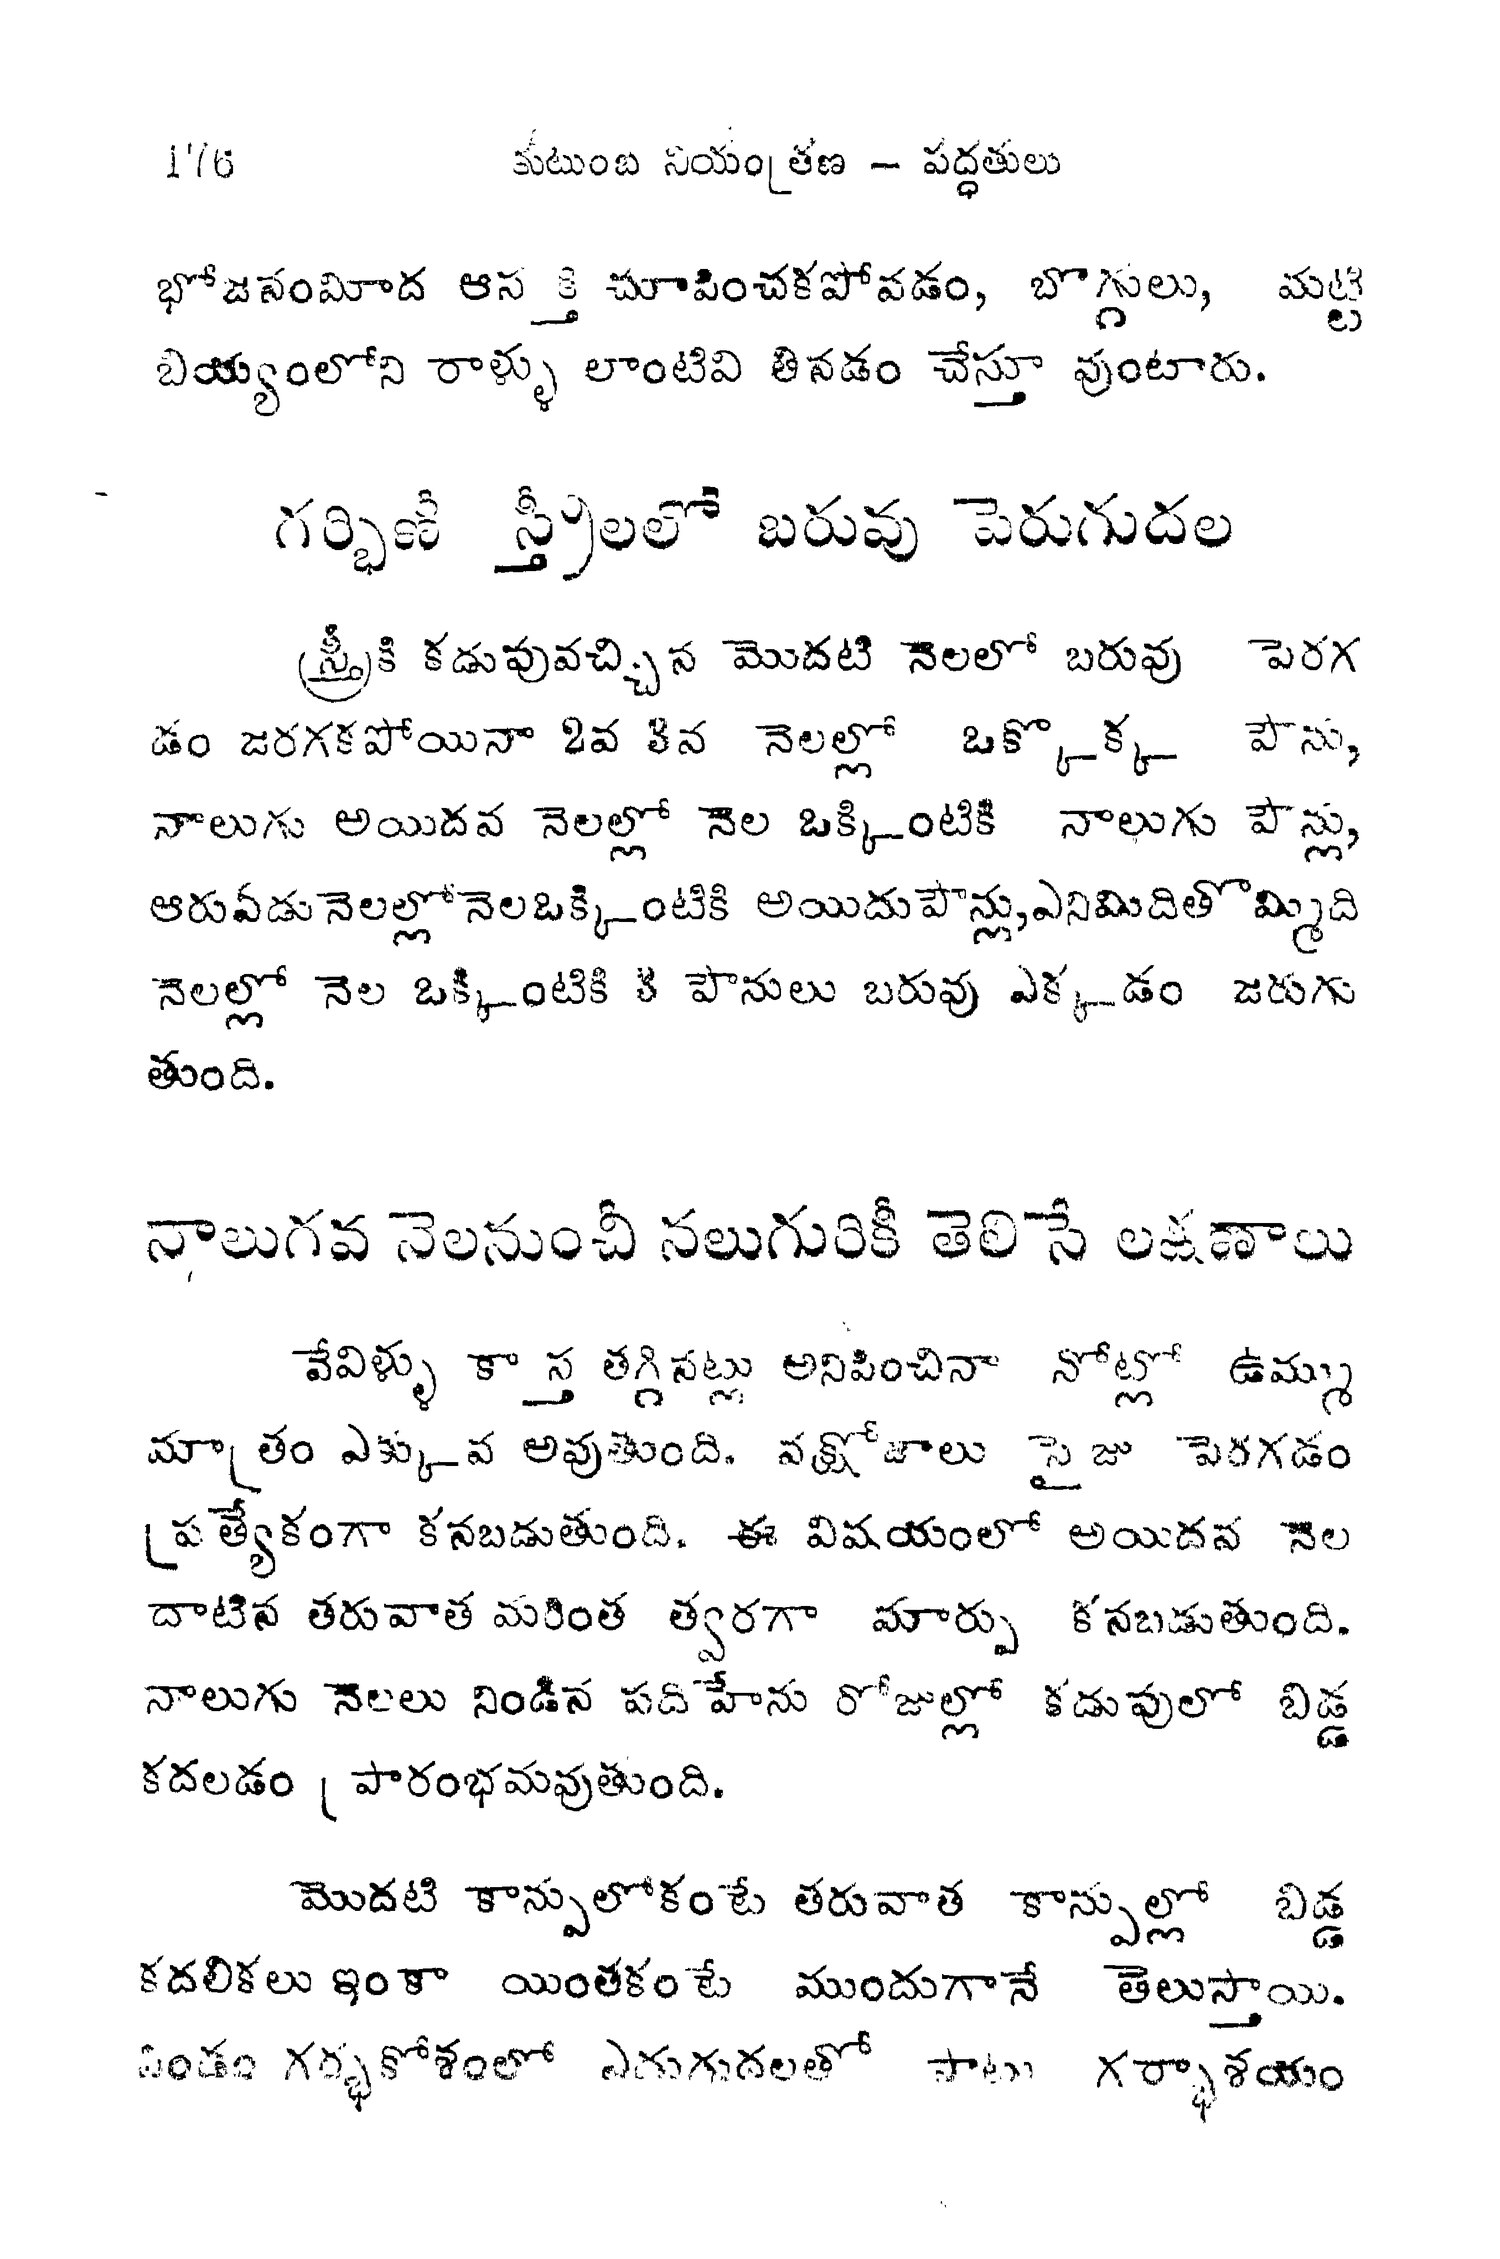భోజనంమీద ఆసక్తి చూపించకపోవడం, బొగ్గులు, మట్టి, బియ్యంలోని రాళ్ళు లాంటివి తినడం చేస్తూ వుంటారు.

స్త్రీకి కడుపువచ్చిన మొదటి నెలలోబరువు పెరగడం జరగకపోయినా 2వ 3వ నెలల్లో ఒక్కొక్క పౌను, నాలుగు అయిదవ నెలల్లో నెల ఒక్కింటికి నాలుగు పౌన్లు, ఆరుఏడు నెలల్లో నెలఒక్కింటికి అయిదుపౌన్లు, ఎనిమిదితొమ్మిది నెలల్లో నెల ఒక్కింటికి 3 పౌనులు బరువు ఎక్కడం జరుగుతుంది.

వేవిళ్ళు కాస్త తగ్గినట్లు అనిపించినా నోట్లో ఉమ్మా మాత్రం ఎక్కువ అవుతుంది. వక్షోజాలు సైజు పెరగడం ప్రత్యేకంగా కనబడుతుంది. ఈ విషయంలో అయిదవ నెల దాటిన తరువాత మరింత త్వరగా మార్పు కనబడుతుంది. నాలుగు నెలలు నిండిన పదిహేను రోజుల్లో కడుపులో బిడ్డ కదలడం ప్రారంభమవుతుంది.

మొదటి కాన్పులోకంటే తరువాత కాన్పుల్లో బిడ్డ కదలికలు ఇంకా యింతకంటే ముందుగానే తెలుస్తాయి. పిండం గర్భకోశంలో ఎదుగుదలతో పాటు గర్భాశయం